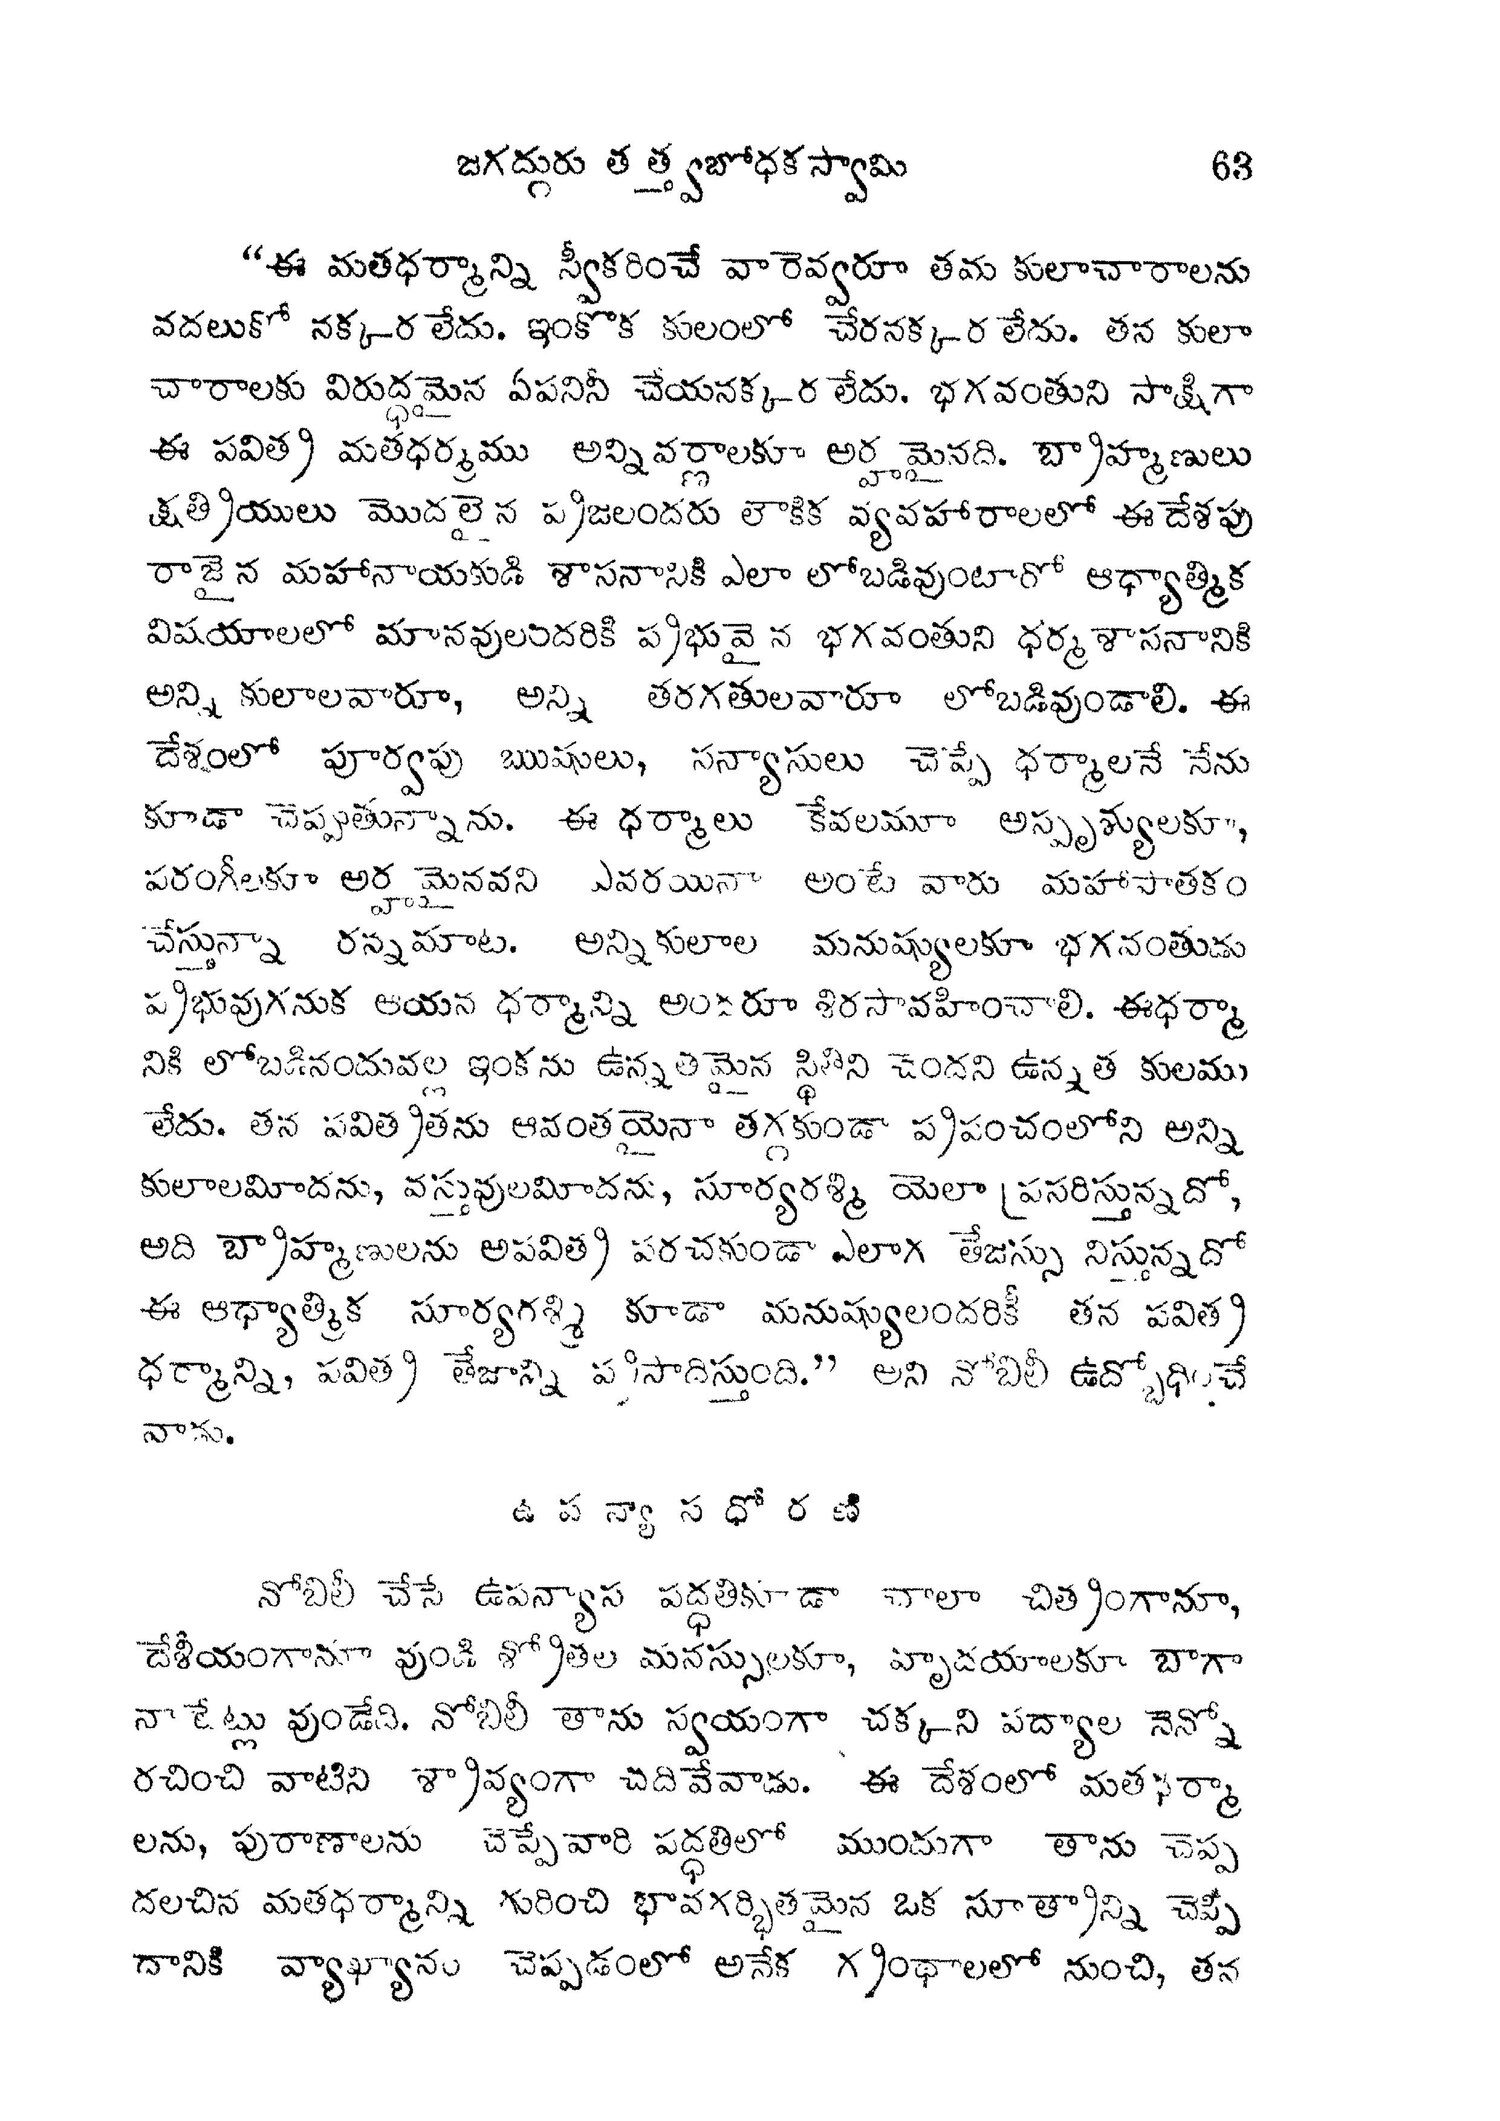"ఈ మతధర్మాన్ని స్వీకరించే వారెవ్వరూ తమ కులాచారాలను వదులుకో నక్కరలేదు. ఇంకొక కులంలో చేరనక్కర లేదు. తనకులాచారాలకు విరుద్దమైన ఏపనినీ చేయనక్కరలేదు. భగవంతుని సాక్షిగా ఈ పవిత్ర మతధర్మము అన్ని వర్ణాలకూ అర్హమైనది. బ్రాహ్మణులు క్షత్రియులు మొదలైన ప్రజలందరు లౌకిక వ్యవహారాలలో ఈ దేశపు రాజైన మహానాయకుడి శాసనానికి ఎలా లోబడివుంటారో అధ్యాత్మిక విషయాలలో మానవులందరికి ప్రభువైన భగవంతుని ధర్మశాసనానికి అన్ని కులాలవారూ, అన్ని తరగతులవారూ లోబడివుండాని. ఈ దేశంలో పూర్వపు ఋషులు, సన్యాసులు చెప్పే ధర్మాలనే నేను కూడా చెప్పుతున్నాను. ఈ ధర్మాలు కేవలమూ అస్పృశ్యులకూ, పరంగీలకూ అర్హమైనవని ఎవరయినా అంటే వారు మహాపాతకం చేస్తున్నారన్నమాట. అన్ని కులాల మనుష్యులకూ భగవంతుడు ప్రభువు గనుక ఆయన ధర్మాన్ని అందరూ శిరసావహించాలి. ఈధర్మానికి లోబడినందువల్ల ఇంకను ఉన్నతమైన స్థితిని చెందని ఉన్నత కులములేదు. తన పవిత్రతను అవంతయైనాతగ్గకుండా ప్రపంచంలోని అన్ని కులాలమీదను, వస్తువులమీదను, సూర్యరశ్మి యెలా ప్రసరిస్తుందో అని బ్రాహ్మణులను అపవిత్ర పరచకుండా ఎలాగ తేజస్సు నిస్తున్నదో ఈ అధ్యాత్మికసూర్యరశ్మి కూడా మనుషులందరికీ తన పవిత్ర ధర్మాన్ని, పవిత్ర తేజాన్ని ప్రసాదిస్తుంది/." అని నోబిలీ ఉద్భోధించేవాడు.

నోబిలీ చేసే ఉపన్యాస పద్ధతికూడా చాలా చిత్రంగానూ, దేశీయంగానూ వుండి శ్రోతల మనస్సులకూ, హృదయాలకూ బాగా నాటేటట్లు వుండేది. నోబిలీ తాను స్వయంగా చక్కని పద్యాల నెన్నోరచించి వాటిని శ్రావ్యంగా చదివేవాడు. ఈ దేశంలో మతధర్మాలను, పురాణాలను చెప్పేవారి పద్దతిలో ముందుగా తాను చెప్ప దలచిన మతధర్మాన్ని గురించి భావగర్భితమైన ఒక సూత్రాన్ని చెప్పి దానికి వ్యాఖ్యానం చెప్పడంలో అనేక గ్రంధాలలో నుంచి తన